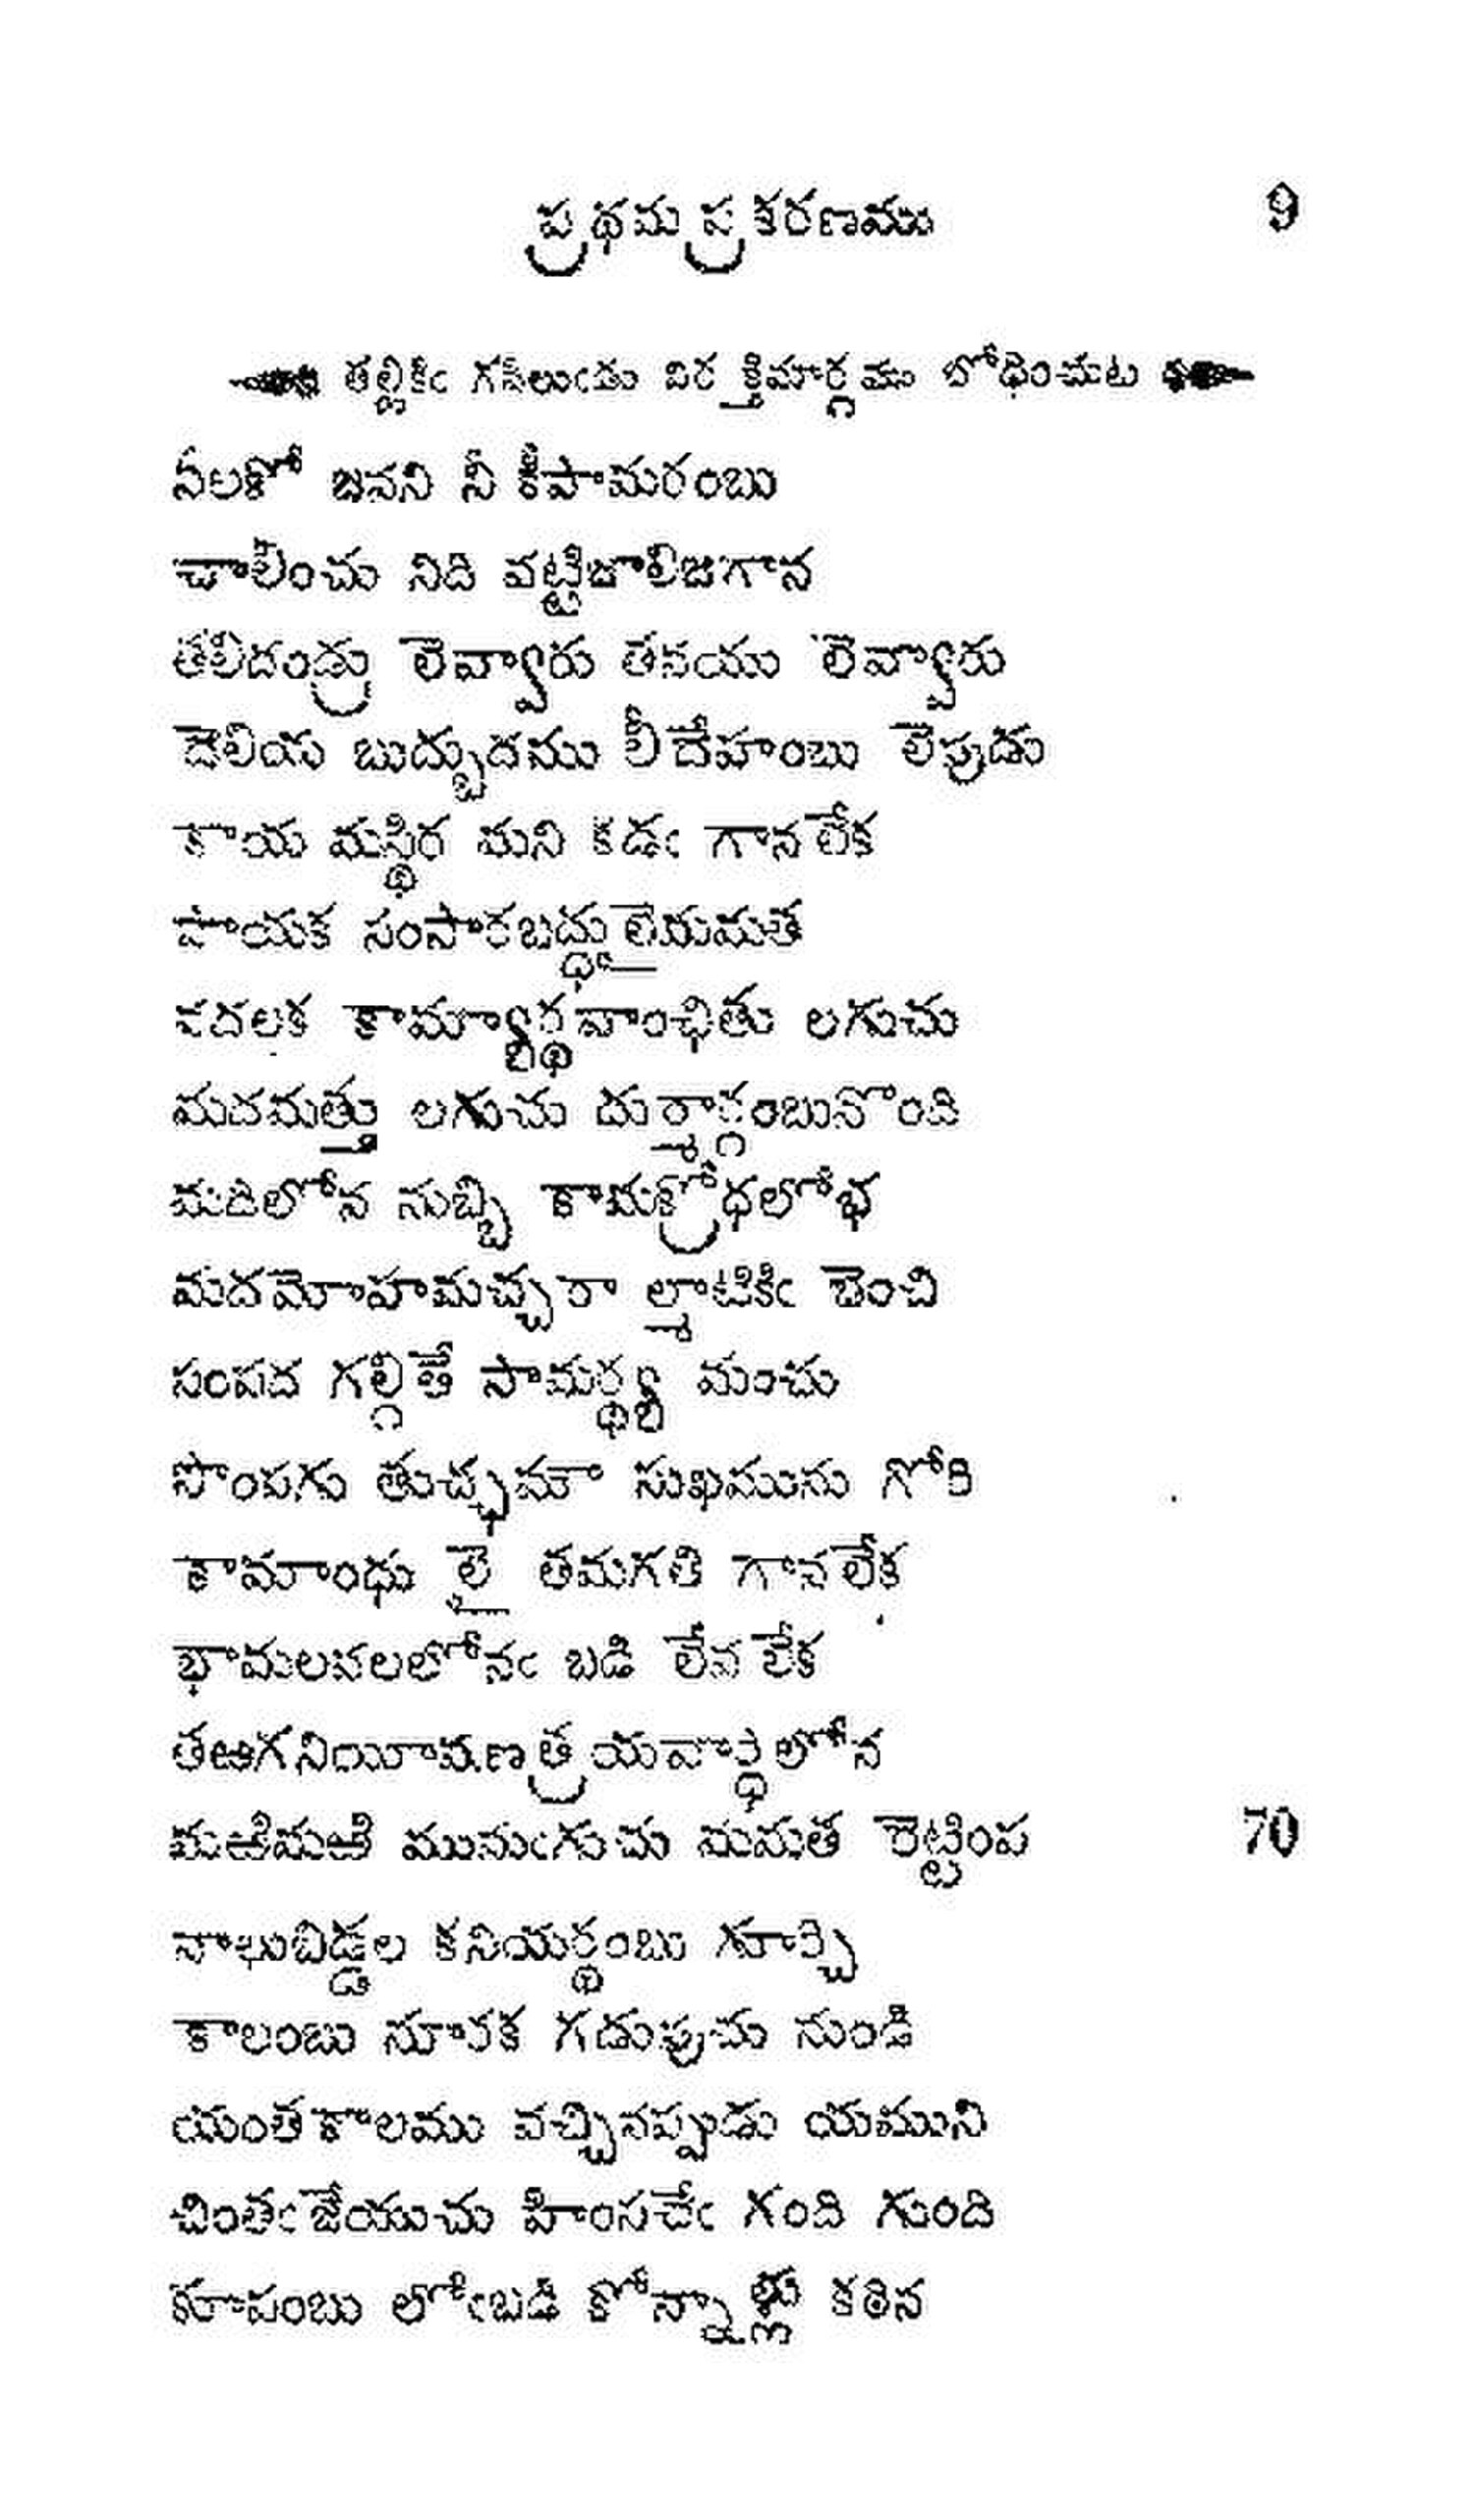ఏలకో జనని నీ కీపామరంబు
చాలించు నిది వట్టిజాలి జగాన
తలిదండ్రు లెవ్వారు తనయు లెవ్వారు
దెలియ బుద్భుదము లీదేహంబు లెపుడు
కాయ మస్థిర మని కడఁ గాన లేక
పాయక సంసారబద్ధులైమమత
వదలక కామ్యార్థవాంఛితు లగుచు
మదమత్తు లగుచు దుర్మార్గంబునొంది
మదిలోన నుబ్బి కామక్రోధలోభ
మదమోహమచ్చరా ల్మాటికిఁ బెంచి
సంపద గల్గితే సామర్థ్య మంచు
సొంపగు తుచ్ఛమౌ సుఖమును గోరి 
కామాంధు లై తమగతి గానలేక
భామలవలలోనఁ బడి లేవలేక
తఱగనియీషణత్రయవార్ధిలోన
మఱిమఱి మునుఁగుచు మమత రెట్టింప
నాలుబిడ్డల కనియర్థంబు గూర్చి
కాలంబు నూరక గడుపుచు నుండి
యంతకాలము వచ్చినప్పుడు యముని
చింతఁ జేయుచు హింసచేఁ గంది గుంది
కూపంబు లోఁబడి కొన్నాళ్లు కఠిన